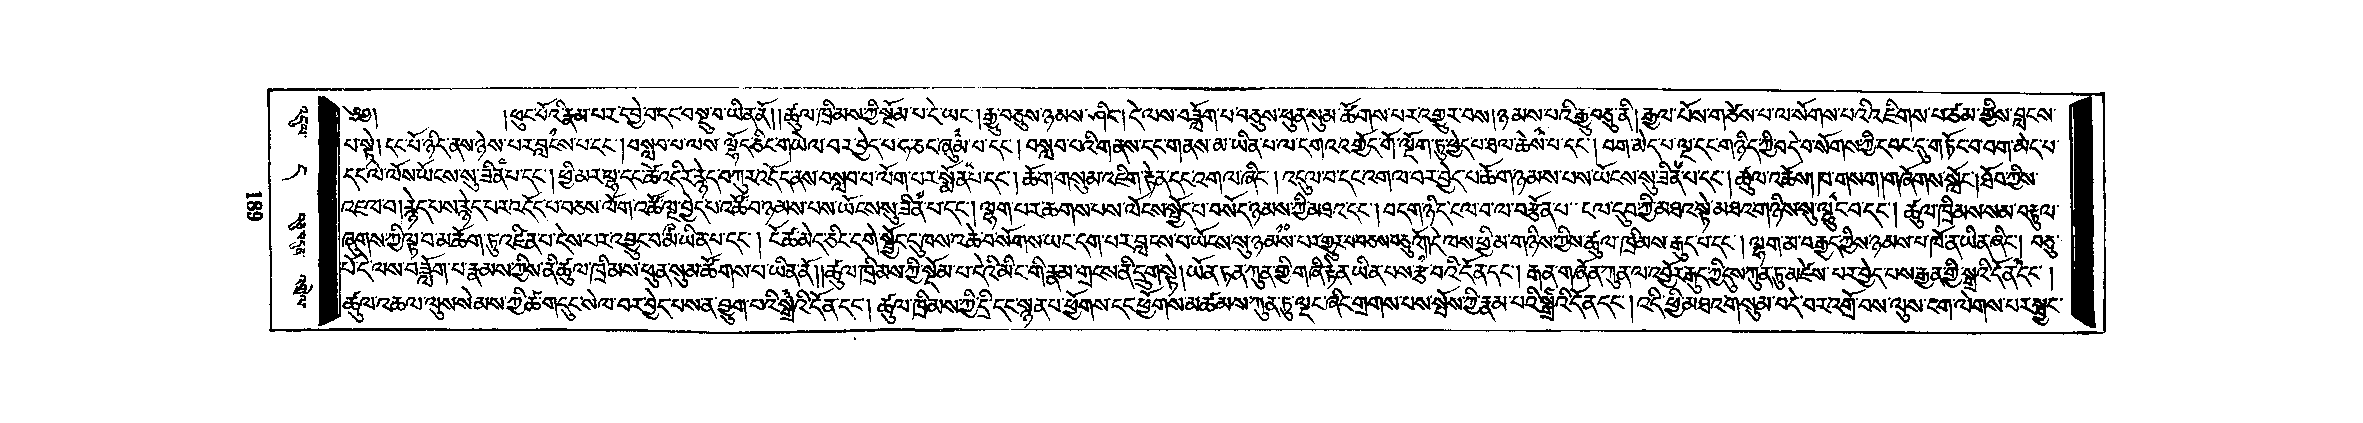༄༅། །ཕུང་པོའི་རྣམ་པར་དབྱེ་བ་དང་བསྡུ་བ་ཡིན་ནོ། །ཚུལ་ཁྲིམས་ཀྱི་སྡོམ་པ་དེ་ཡང་། རྒྱུ་བཅུས་ཉམས་ཤིང་། དེ་ལས་བཟློག་པ་བཅུས་ཕུན་སུམ་ཚོགས་པར་འགྱུར་བས། ཉམས་པའི་རྒྱུ་བཅུ་ནི། རྒྱལ་པོས་གཙེས་པ་ལ་སོགས་པའི་འཇིགས་པ་ཙམ་གྱིས་བླངས་
པ་སྟེ། དང་པོ་ཉིད་ནས་ཉེས་པར་བླངས་པ་དང་། བསླབ་པ་ལས་ལྷོད་ཅིང་གཡེལ་བར་བྱེད་པ་ཧ་ཅང་ཞུམ་པ་དང་། བསླབ་པའི་གནས་དང་གནས་མ་ཡིན་པ་ལ་དགའ་འགྱོད་གོ་ལྡོག་ཏུ་ཕྱེད་པ་ཐལ་ཆེས་པ་དང་། བག་མེད་པ་ལྔ་དང་གཉིད་ཀྱི་བདེ་བ་སོགས་ཀྱི་དབང་དུ་གཏོང་བ་བག་མེད་པ་
དང་ལེ་ལོས་ཡོངས་སུ་ཟིན་པ་དང་། ཕྱི་མར་ལྷ་དང་ཚེ་འདིར་རྙེད་བཀུར་འདོད་ནས་བསླབ་པ་ལོག་པར་སྨོན་པ་དང་། ཆོ་ག་གསུམ་འཇིག་རྟེན་དང་འགལ་ཞིང་། འདུལ་བ་དང་འགལ་བར་བྱེད་པ་ཆོ་ག་ཉམས་པས་ཡོངས་ཨུ་ཟིན་པ་དང་། ཚུལ་འཆོས། ཁ་གསག །གཞོགས་སློང་། ཐོབ་ཀྱིས་
འཇལ་བ། རྙེད་པས་རྙེད་པར་འདོད་པ་བཅས་ལོག་འཚོ་ལྔ་བྱེད་པ་འཚོ་བ་ཉམས་པས་ཡོངས་སུ་ཟིན་པ་དང་། ལྷག་པར་ཆགས་པས་ལོངས་སྤྱོད་པ་བསོད་ཉམས་ཀྱི་མཐའ་དང་། བདག་ཉིད་ངལ་བ་ལ་བརྩོན་པ་ངལ་དུབ་ཀྱི་མཐའ་སྟེ་མཐའ་གཉིས་སུ་ལྷུང་བ་དང་། ཚུལ་ཁྲིམས་སམ་བརྟུལ་
ཞུགས་ཀྱི་ལྟ་བ་མཆོག་ཏུ་འཛིན་པ་དེས་པར་འབྱུང་བ་མི་ཡིན་པ་དང་། ངོ་ཚ་མེད་ཅིང་དགེ་སྦྱོང་དུ་ཁས་འཆེ་བ་སོགས་ཡང་དག་པར་བླངས་པ་ཡོངས་སུ་ཉམས་པར་གྱུར་བ་བཅས་བཅུའོ། །དེ་ལས་ཕྱི་མ་གཉིས་ཀྱིས་ཚུལ་ཁྲིམས་རྒུད་པ་དང་། ལྷག་མ་བརྒྱད་ཀྱིས་ཉམས་པ་ཁོ་ན་ཡིན་ཞིང་། བཅུ་
པོ་དེ་ལས་བཟློག་པ་རྣམས་ཀྱིས་ནི་ཚུལ་ཁྲིམས་ཕུན་སུམ་ཚོགས་པ་ཡིན་ནོ། །ཚུལ་ཁྲིམས་ཀྱི་སྡོམ་པ་དེའི་མིང་གི་རྣམ་གྲངས་ནི་དྲུག་སྟེ། ཡོན་ཏན་ཀུན་གྱི་གཞི་རྟེན་ཡིན་པས་རྩ་བའི་དོན་དང་། རྒན་གཞོན་ཀུན་ལ་འབྱོར་རྒུད་ཀྱི་དུས་ཀུན་ཏུ་མཛེས་པར་བྱེད་པས་རྒྱན་གྱི་སྒྲའི་དོན་དང་།
ཚུལ་འཆལ་ལུས་སེམས་ཀྱི་ཚ་གདུང་སེལ་བར་བྱེད་པས་ན་བྱུག་པའི་སྒྲའི་དོན་དང་། ཚུལ་ཁྲིམས་ཀྱི་དྲི་དང་སྙན་པ་ཕྱོགས་དང་ཕྱོགས་མཚམས་ཀུན་ཏུ་ལྡང་ཞིང་གྲགས་པས་སྤོས་ཀྱི་རྣམ་པའི་སྒྲའི་དོན་དང་། འདི་ཕྱི་མཐའ་གསུམ་བདེ་བར་འགྲོ་བས་ལུས་ངག་ལེགས་པར་སྦྱང་